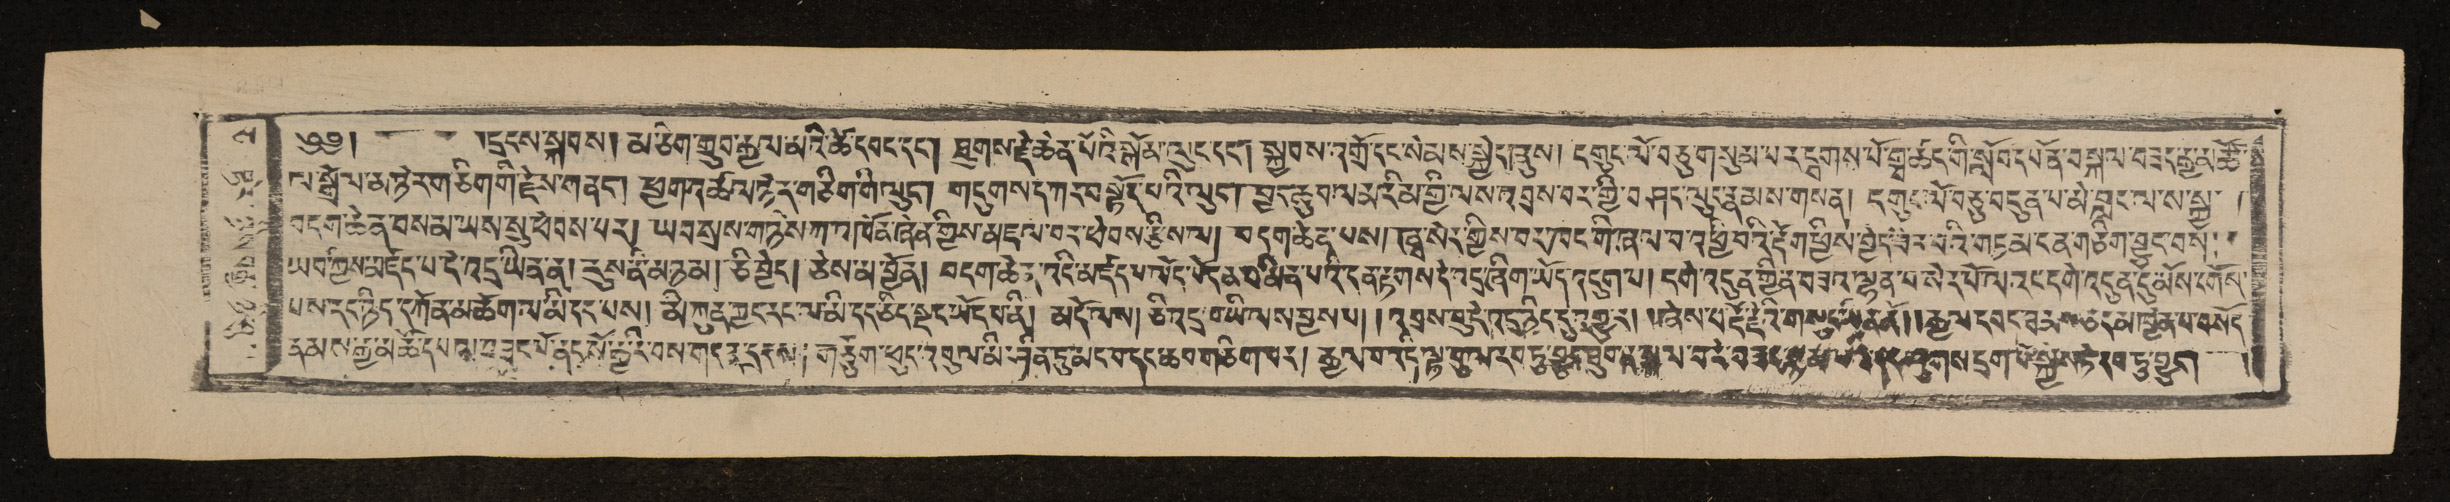༄༅། །དྲངས་སྐབས། མ་ཅིག་གྲུབ་རྒྱལ་མའི་ཚེ་དབང་དང་། ཐུགས་རྗེ་ཆེན་པོའི་སྒོམ་ལུང་དང་། སྐྱབས་འགྲོ་དང་སེམས་སྐྱེད་ཞུས། དགུང་ལོ་བཅུ་གསུམ་པར་དྭགས་པོ་གྲྭ་ཚང་གི་སློབ་དཔོན་བསྐལ་བཟང་རྒྱ་མཚོ་
ལ་སྒྲོལ་མ་ཉེར་གཅིག་གི་རྗེས་གནང་། ཕྱག་འཚལ་ཉེར་གཅིག་གི་ལུང་། གདུགས་དཀར་བསྟོད་བའི་ལུང་། བྱང་ཆུབ་ལམ་རིམ་གྱི་ལས་འབྲས་བར་གྱི་བཤད་ལུང་རྣམས་གསན། དགུང་ལོ་བཅུ་བདུན་པ་མེ་གླང་ལ་ས་སྐྱ་
བདག་ཆེན་བསམ་ཡས་སུ་ཕེབས་པར། ཡབ་སྲས་གཉིས་ཀ་འཁོན་ཞེན་གྱིས་མཇལ་བར་ཕེབས་རྩིས་ལ། བདག་ཆེན་པས། ཞྭ་སེར་གྱིས་བར་ཁང་གི་ཞལ་བ་འཕྱི་བའི་རྡོག་ཕྱིས་བྱེད་ཟེར་བའི་གཏམ་ངན་གཅིག་བྱུང་བས།
ཡབ་ཀྱིས་མཛད་པ་དེ་འདྲ་ཡིན་ན། རུས་ནི་མཉམ། ཅི་བྱེད། ཅེས་མ་བྱོན། བདག་ཆེན་འདི་མཛད་པ་ལོད་པོ་དམ་པ་མིན་པའི་དན་རྟགས་དེ་འདྲ་ཞིག་ཡོད་འདུག་པ། དགེ་འདུན་གྱི་ན་བཟའ་ལྷན་བ་སེར་པོ་ལའང་དགེ་འདུན་དུ་མོས་དགོས་
བས་རང་ཉིད་དཀོན་མཆོག་ལ་མི་དད་པས། མི་ཀུན་ཀྱང་རང་ལ་མི་དད་ཅིང་སྡང་ཡོད་བ་ནི། མདོ་ལས། ཅི་འདྲ་བ་ཡི་ལས་བྱས་པ། །འབྲས་བུ་དེ་འདྲ་ཉིད་དུ་འགྱུར། །ཞེས་པ་རྡོ་རྗེའི་གསུང་ཡིན་ནོ། །རྒྱལ་དབང་ཐམས་ཅད་མཁྱེན་པ་བསོད་
ནམས་རྒྱ་མཚོ་དཔལ་བཟང་པོ་ནང་སོ་རྒྱ་རི་བས་གདན་དྲངས། གཙུག་ཕུད་འབུལ་མི་ཤིན་ཏུ་མང་བ་དང་ཆབ་གཅིག་པར། རྒྱལ་བ་འདི་ལྟ་བུ་ལ་རབ་ཏུ་བྱུང་ཐུབ་ན་སྐལ་བ་རེ་བཟང་སྙམ་པའི་དད་ཤུགས་དྲག་པོ་སྐྱེས་ཏེ་རབ་ཏུ་བྱུང་།